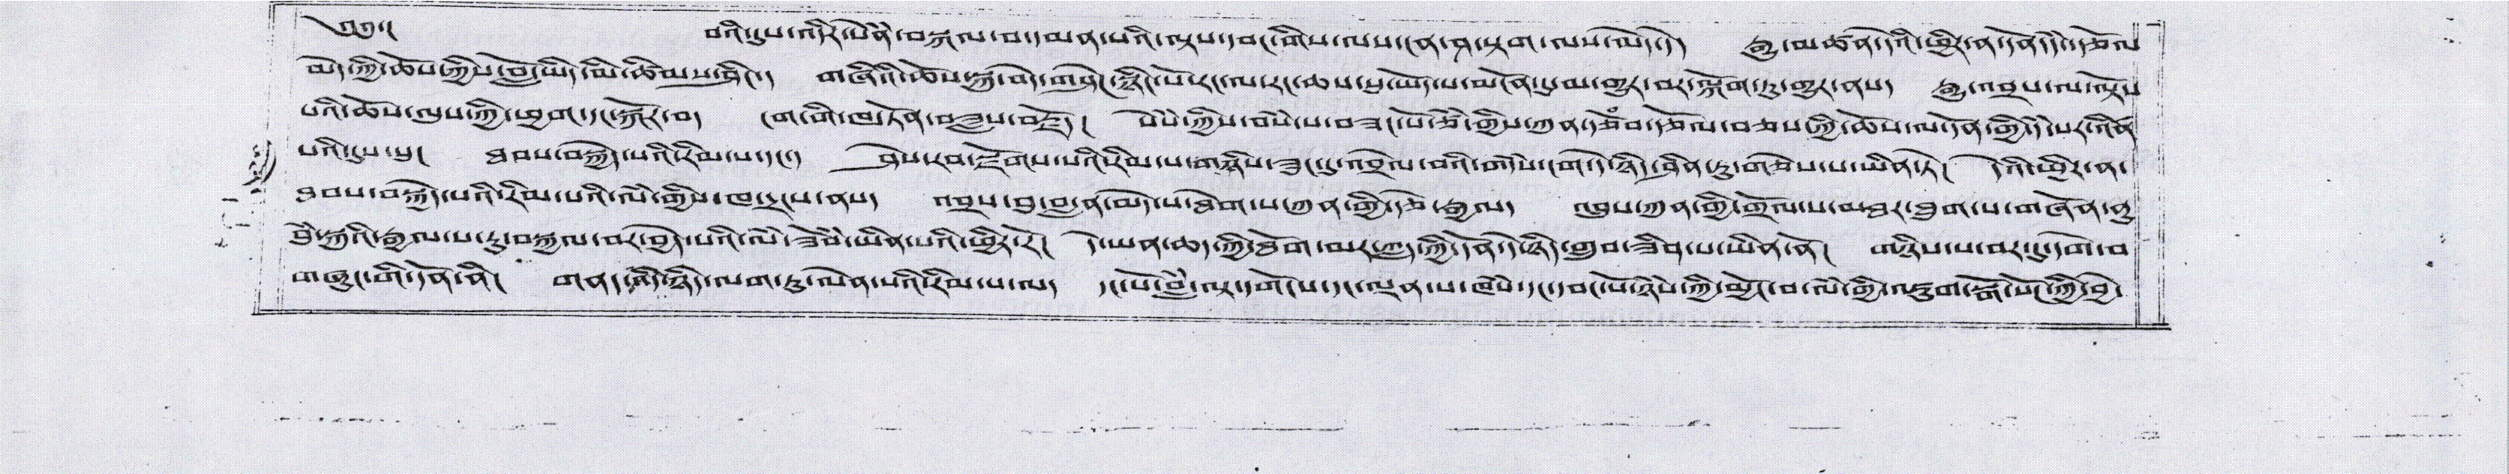བའི་དུས་འདིར་སེམས་ཅན་སྐལ་པ་དམན་པའི་ལྟས་དབང་གིས་ལས་ངན་ཤ་སྟག་ལས་མེད་དེ། རྒྱུ་མཚན་དེའི་ཕྱིར་ན་དོན་དམ་རྩོལ་
མེད་ཀྱི་ཆོས་ཀྱིས་བློ་ཡིད་མི་ཚིམས་ཞིང་། གཞིའི་ཆོས་སྐུ་བདེར་གཤེགས་སྙིང་པོ་རང་ལ་རང་ཆས་སུ་ཡོད་པ་མངོན་དུ་མ་གྱུར་པར་ལྐོག་ཏུ་གྱུར་ནས་ རྒྱུ་འབྲས་ལ་ལྟོས་
པའི་ཆོས་ལུས་ཀྱི་ཕྱག་དང་སྐོར་བ། ངག་གི་ཁ་ཐོན་བཟླས་བརྗོད། སེམས་ཀྱིས་བསམ་པ་བཟང་པོ་ཙམ་གྱིས་ཀུན་རྫོབ་རྩོལ་བཅས་ཀྱི་ཆོས་ལ་དོན་དམ་གྱི་དེའི་པར་འཛིན་
པའི་དུས་སུ། ཐབས་བསྐྱེད་པའི་རིམ་པ་དང་། ཤེས་རབ་རྫོགས་པའི་རིམ་པ་གཉིས་ཟུང་དུ་འབྲེལ་བའི་གདམས་ངག་དེ་ཉིད་ཤིན་ཏུ་གཅེས་པ་ཡིན་ཏེ། དེའི་ཕྱིར་ན་
ཐབས་བསྐྱེད་པའི་རིམ་པའི་ལམ་གྱིས་ཁ་དྲངས་ནས། འབྲས་བུ་བླ་ན་མེད་པ་ཐེག་པ་ཀུན་གྱི་རྩེ་རྒྱལ། འབྲས་བུ་ཀུན་གྱི་གྲོལ་ས་མཐར་ཐུག་པ་གཞོན་ནུ་
བུམ་སྐུའི་རྒྱལ་ས་རུ་བསྐྱལ་བར་བྱེད་པའི་ལམ་ཟབ་མོ་ཡིན་པའི་ཕྱིར་རོ། དེ་ཡན་ཆད་ཀྱི་ཐོག་མར་ཀླད་ཀྱི་དོན་དེ་ཉིད་གྲུབ་ཟིན་པ་ཡིན་ནོ། གཉིས་པ་བར་དུ་དགེ་བ་
གཞུང་གི་དོན་ནི། གནད་འདི་ཉིད་ལག་ཏུ་ལེན་པའི་རིམ་པ་ལ། དང་པོ་བླ་མ་ལྟ་དགོངས་དང་ལྡན་པ་ཁམས་དང་དབང་པོ་ཉམས་ཀྱི་མྱོང་བ་ལམ་གྱི་འཇུག་སྒོ་སོགས་ཀྱི་བྱེ་